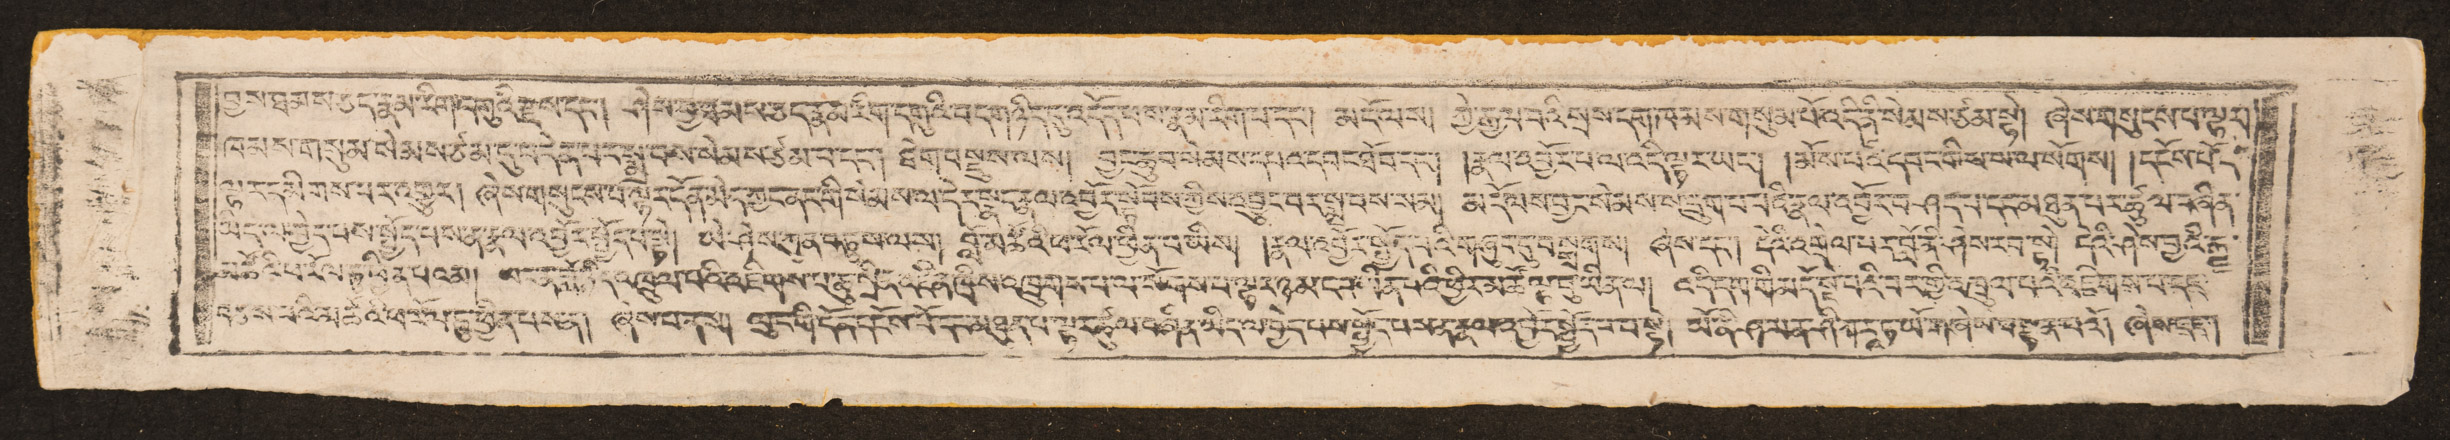བྱས་ཐམས་ཅད་རྣམ་རིག་དགུའི་རྫས་དང་། ཤེས་བྱ་ཐམས་ཅད་རྣམ་རིག་དགུའི་བདག་ཉིད་དུ་འདོད་པས་རྣམ་རིག་པ་དང་། མདོ་ལས། ཀྱེ་རྒྱལ་བའི་སྲས་དག་ཁམས་གསུམ་པོ་འདི་ནི་སེམས་ཙམ་སྟེ། ཞེས་གསུངས་པ་ལྟར།
ཁམས་གསུམ་སེམས་ཙམ་དུ་བདེན་པར་སྨྲ་བས་སེམས་ཙམ་པ་དང་། ཐེག་བསྡུས་ལས། བྱང་ཆུབ་སེམས་དཔའ་དབང་ཐོབ་དང་། །རྣལ་འབྱོར་པ་ལ་འདི་ལྟར་ཡང་། །མོས་པའི་དབང་གིས་ས་ལ་སོགས། །དངོས་པོ་དེ་
ལྟར་དམིགས་པར་འགྱུར། ཞེས་གསུངས་པ་ལྟར་དོན་མེད་ཀྱང་ནང་གི་སེམས་ལ་དེར་སྣང་རྣལ་འབྱོར་སྟོབས་ཀྱིས་འབྱུང་བར་སྨྲ་བས་སམ། མདོ་ལས་བྱང་སེམས་ས་དྲུག་པ་པའི་རྣལ་འབྱོར་བཤད་པ་དང་མཐུན་པར་ཚུལ་བཞིན་
ཡིད་ལ་བྱེད་པས་སྤྱོད་པས་ན་རྣལ་འབྱོར་སྤྱོད་པ་སྟེ། ཡེ་ཤེས་ཀུན་བཏུས་ལས། བློ་མཚོའི་ཕ་རོལ་ཕྱིན་པ་ཡིས། །རྣལ་འབྱོར་སྤྱོད་པའི་གཞུང་དུ་བསྒྲགས། ཞེས་དང་། དེའི་འགྲེལ་པར་བློ་ནི་ཤེས་རབ་སྟེ། དེའི་ཤེས་བྱའི་རྒྱ་
མཚོའི་ཕ་རོལ་ཏུ་ཕྱིན་པའམ། ཡང་ན་བློ་ཉིད་འཁྲུལ་པའི་འཇིགས་པ་ཆུ་སྲིན་འཛིན་ཁྲིས་འཁྲུགས་པ་ལ་སོགས་པ་ལྟར་ཉམ་ང་བ་ཡིན་པའི་ཕྱིར་མཚོ་ལྟ་བུ་ཡིན་ལ། འདི་དག་གི་མདོ་སྡེ་པའི་བར་གྱི་འཁྲུལ་པའི་འཇིགས་པ་དང་
བཅས་པའི་མཚོའི་ཕ་རོལ་ཏུ་ཕྱིན་པས་ན། ཞེས་པ་ནས། ལུང་གི་དོན་དངོས་པོ་དང་མཐུན་པ་ལྟར་ཚུལ་བཞིན་ཡིད་ལ་བྱེད་པས་སྤྱོད་པས་ན་རྣལ་འབྱོར་སྤྱོད་པ་པ་སྟེ། ཡོ་ནི་ཤ་མན་ཤི་ཀ་རཱ་ཧ་ཡོ་ག་ཞེས་བསྟན་པའོ། ཞེས་དང་།